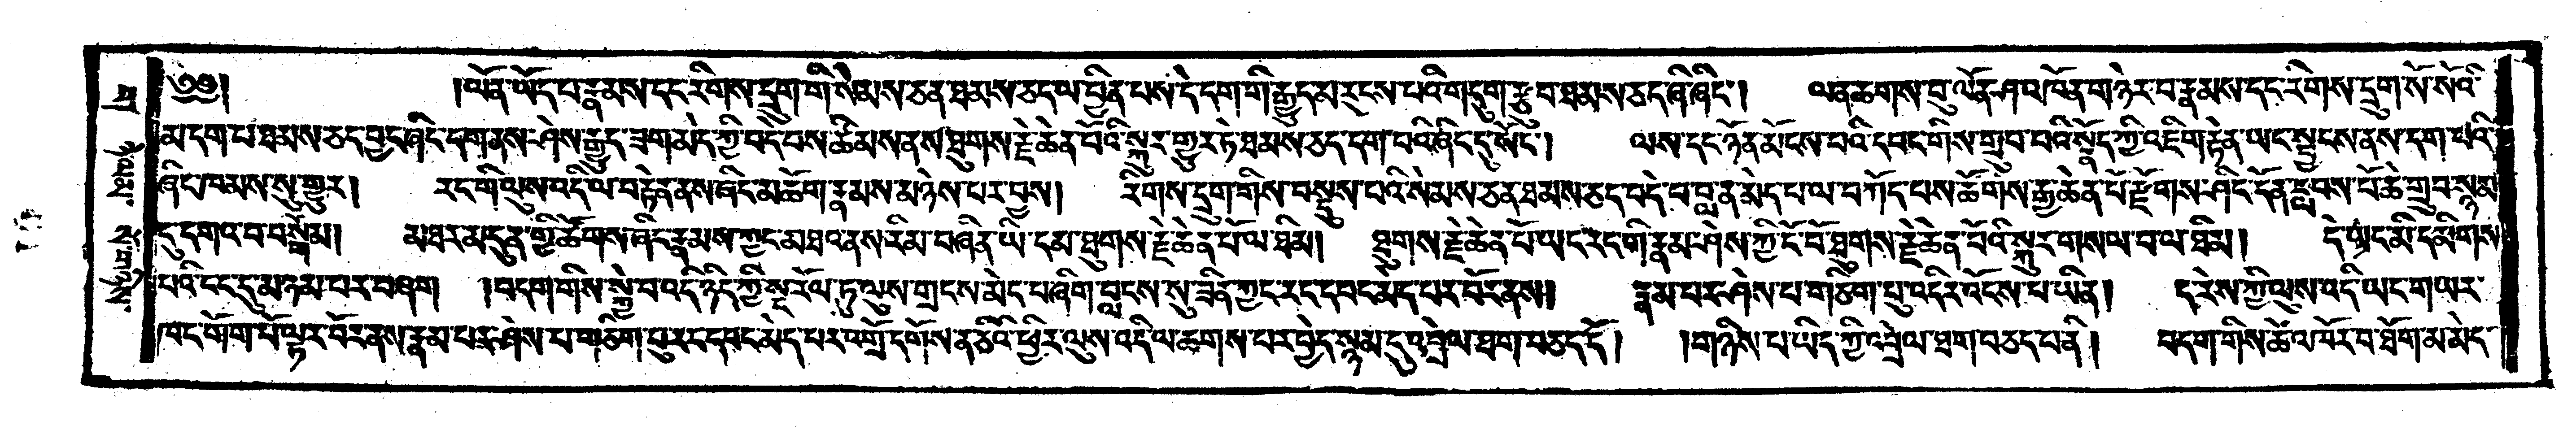༄༅། །ཡོན་ཡོད་པ་རྣམས་དང་རིགས་དྲུག་གི་སེམས་ཅན་ཐམས་ཅད་ལ་བྱིན་པས་དེ་དག་གི་རྒྱུད་མ་རུངས་པའི་གདུག་རྩུབ་ཐམས་ཅད་ཞི་ཞིང་། ལན་ཆགས་བུ་ལོན་ཤ་འཁོན་གཉེར་བ་རྣམས་དང་རིགས་དྲུག་སོ་སོའི་
མ་དག་པ་ཐམས་ཅད་བྱང་ཞིང་དག་ནས་ཤེས་རྒྱུད་ཟག་མེད་ཀྱི་བདེ་བས་ཚིམས་ནས་ཐུགས་རྗེ་ཆེན་པོའི་སྐུར་གྱུར་ཏེ་ཐམས་ཅད་དག་པའི་ཞིང་དུ་སོང་། ལས་དང་ཉོན་མོངས་པའི་དབང་གིས་གྲུབ་པའི་སྣོད་ཀྱི་འཇིག་རྟེན་ཡང་སྦྱངས་ནས་དག་པའི་
ཞིང་ཁམས་སུ་གྱུར། རང་གི་ལུས་འདི་ལ་བརྟེན་ནས་ཞིང་མཆོག་རྣམས་མཉེས་པར་བྱས། རིགས་དྲུག་གིས་བསྡུས་པའི་སེམས་ཅན་ཐམས་ཅད་བདེ་བ་བླ་ན་མེད་པ་ལ་བཀོད་པས་ཚོགས་རྒྱ་ཆེན་པོ་རྫོགས་ཤིང་དོན་རླབས་པོ་ཆེ་གྲུབ་སྙམ་
དུ་དགའ་བ་བསྒོམ། མཐར་མདུན་གྱི་ཚོགས་ཞིང་རྣམས་ཀྱང་མཐའ་ནས་རིམ་བཞིན་ཡི་དམ་ཐུགས་རྗེ་ཆེན་པོ་ལ་ཐིམ། ཐུགས་རྗེ་ཆེན་པོ་ཡང་རང་གི་རྣམ་ཤེས་ཀྱི་ངོ་བོ་ཐུགས་རྗེ་ཆེན་པོའི་སྐུར་གསལ་བ་ལ་ཐིམ། དེ་ཡང་མི་དམིགས་
པའི་ངང་དུ་མཉམ་པར་བཞག །བདག་གིས་སྐྱེ་བ་འདི་ཉིད་ཀྱི་སྔ་རོལ་ཏུ་ལུས་གྲངས་མེད་པ་ཞིག་བླངས་སུ་ཟིན་ཀྱང་རང་དབང་མེད་པར་བོར་ནས། རྣམ་པར་ཤེས་པ་གཅིག་པུ་འདིར་འོངས་པ་ཡིན། ད་རེས་ཀྱི་ལུས་འདི་ཡང་གཡར་
ཁང་གོག་པོ་ལྟར་བོར་ནས་རྣམ་པར་ཤེས་པ་གཅིག་བུ་རང་དབང་མེད་པར་འགྲོ་དགོས་ན་ཅིའི་ཕྱིར་ལུས་འདི་ལ་ཆགས་པར་བྱེད་སྙམ་དུ་འབྲེལ་ཐག་བཅད་དོ། །གཉིས་པ་ཡིད་ཀྱི་འབྲེལ་ཐག་བཅད་པ་ནི། བདག་གིས་ཚེ་འཁོར་བ་ཐོག་མ་མེད་